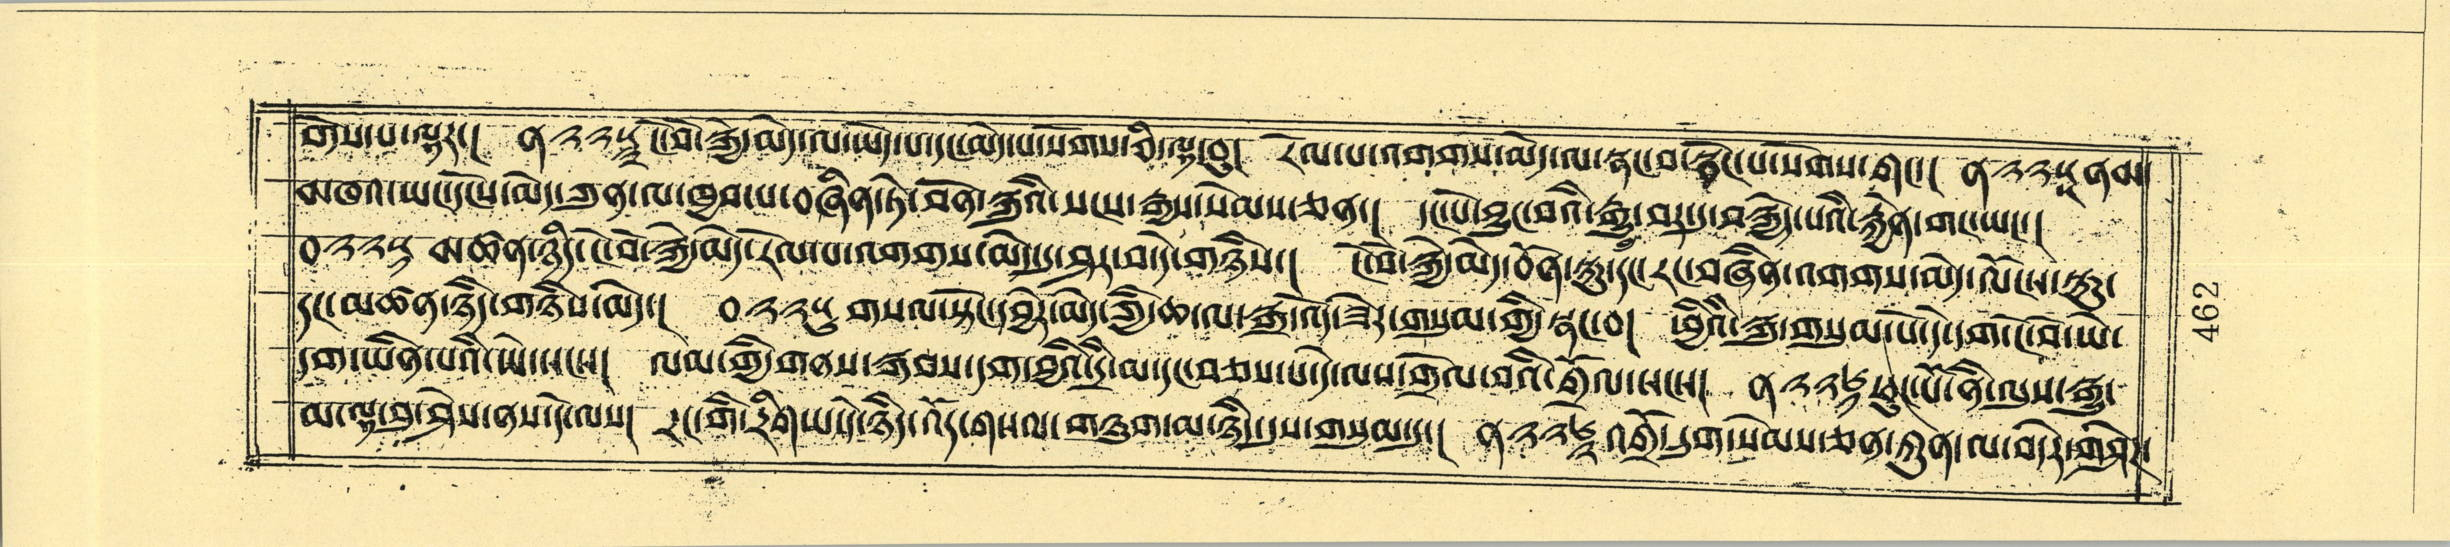གོས་པ་ལྟར། ན༢༢༥།༣ ངོ་བོ་སྐྱེ་མེད་ལ་ཡོད་པ་དང་མེད་པ་སོགས་༼ཅི་ལྟ་བུ༽རོལ་པ་འགག་མེད་ལ་སྣང་བ་སྟོང་པ་སོགས་༼གང༽ན༢༢༥།༥༼ནམ་
མཁའ༽ཡང་དངོས་མེད་ཀུན་ལ་ཁྱབ་པ་བཞིན་ཏེ་བོན་སྐུའི་སངས་རྒྱས་སེམས་ཅན་དང་པོ་བྱུང་བའི་རྒྱུ་བར་དུ་བསྐྱེད་པའི་རྐྱེན་གང་ཡང་
བ༢༢༥།༡༼མཚན་ཉིད༽ངོ་བོ་སྐྱེ་མེད་རོལ་པ་འགག་མེད་དུ་ཤར་བ་དེ་གཉིས་ངོ་བོ་སྐྱེ་མེད་༼བོིན་སྐུ༽དང་རང་བཞིན་འགག་མེད་ལོངས་སྐུ་
དང་མཚན་ཉིད་གཉིས་མེད་བ༢༢༥།༦གསལ་སྟོང་དབྱེར་མེད་ཀྱི་ཆ་ལ་སྒྲ་འོད་ཟེར་གསུམ་གྱི་སྣང་བ་ཕྱིའི་སྐུ་གསུམ་པོ་དེ་དག་ངོ་བོ་ཡེ་
དག་ཡིན་པའི་༼ཡེ་སངས༽ལམ་གྱི་གནས་སྐབས་དག་བྱའི་དྲི་མ་དང་བཅས་པ་དེ་ལས་གྲོལ་བའི་༼གྲོལ་སངས༽ན༢༢༦།༡༼ཕུང་པོ༽ནི་ལུས་སྒྱུ་
མ་ལྟ་བུ་ཤེས་ནས་དེ་ལས་རང་གི་༼རིག་པ༽དེ་ཉིད་༼འོད་གསལ༽གཉུག་མ་ཉིད་དུས་གསུམ་དུ་ན༢༢༦།༢༼འགྲོ་དྲུག༽སེམས་ཅན་༼ཀུན༽ལ་བདེར་གཤེགས་